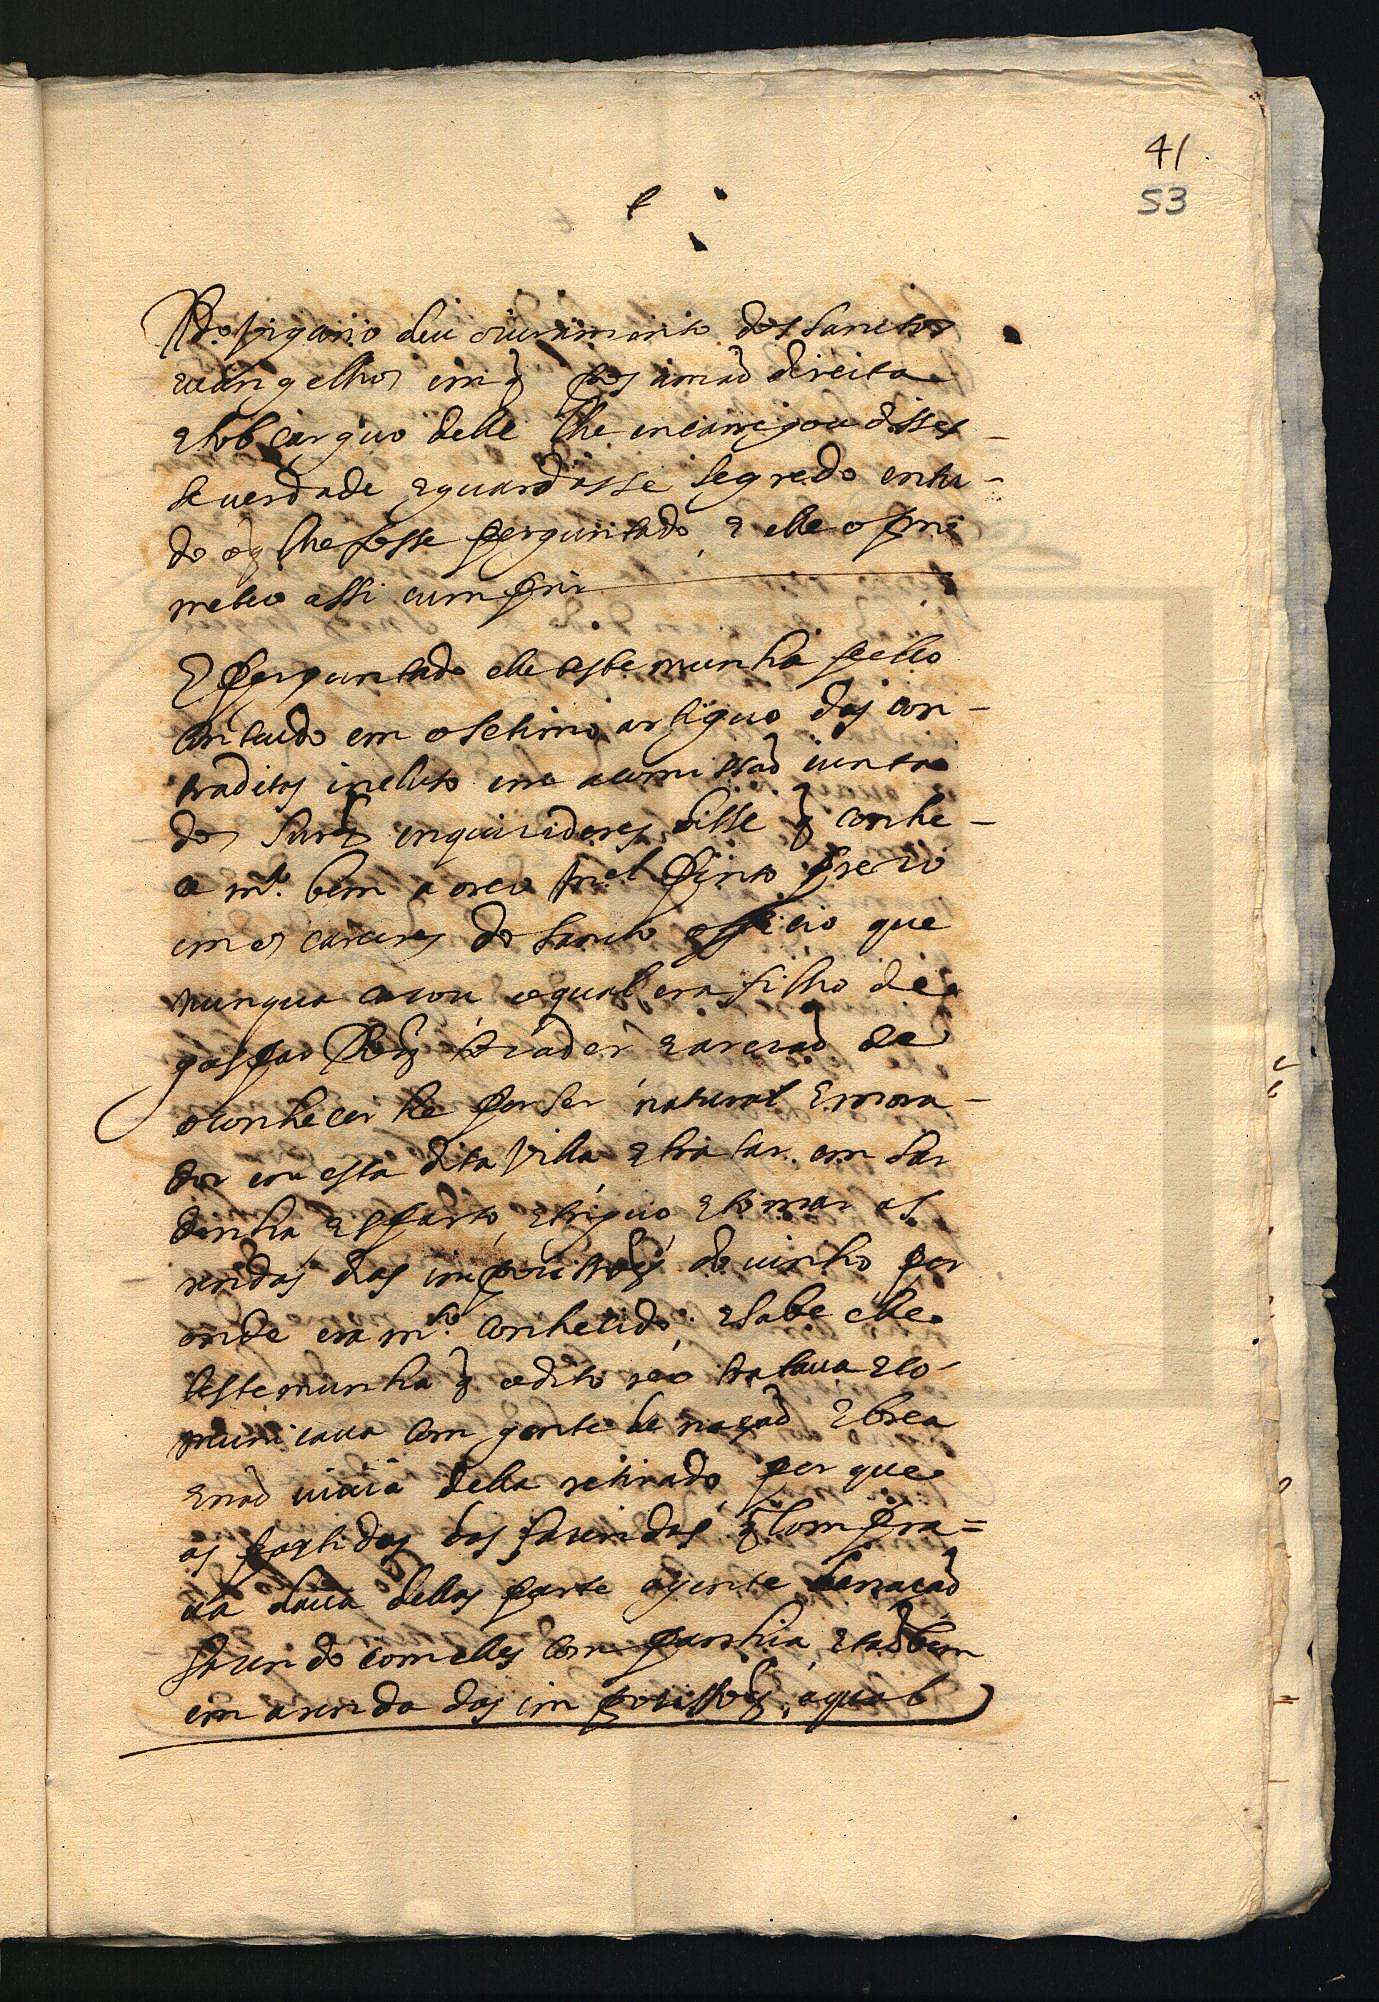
Rd.o Vigario deu o iuramento dos Sanctos
Euangelhos em q̄ pos a mão direita
E sob carguo delle lhe encarregou disses
se uerdade E guardasse segredo en tu
do o q̄ lhe fosse perguntado, E elle o pro
meteo assi cumprir
E perguntado elle testemunha pello
conteudo em o setimo artiguo das con
traditas incluso em a comissão iunta
dos Snrēs inquizidores disse q̄ conhe
ce m.to bem ao reo M.el Pinto prezo
em os carceres do Sancto officio que
nunqua cazou, o qual era filho de
gaspar Roiz̄ tozador, E a rezaõ de
o conhecer he por ser natural E mora
dor em esta dita Villa, E tratar em Sar
dinha, Esparto, E triguo, E tomar as
rendas das impozissoẽs do uinho por
onde era m.to conhecido; E sabe elle
testemunha q̄ o dito reo trataua E co
municaua com gente de nação Ebrea
E não uiuia della retirado, per que
as partidas das fazendas q̄ Compra
ua daua dellas parte a gente de naçaõ
fazendo com elles companhia, E taõbem
em a renda das impozissoẽs, a qual
